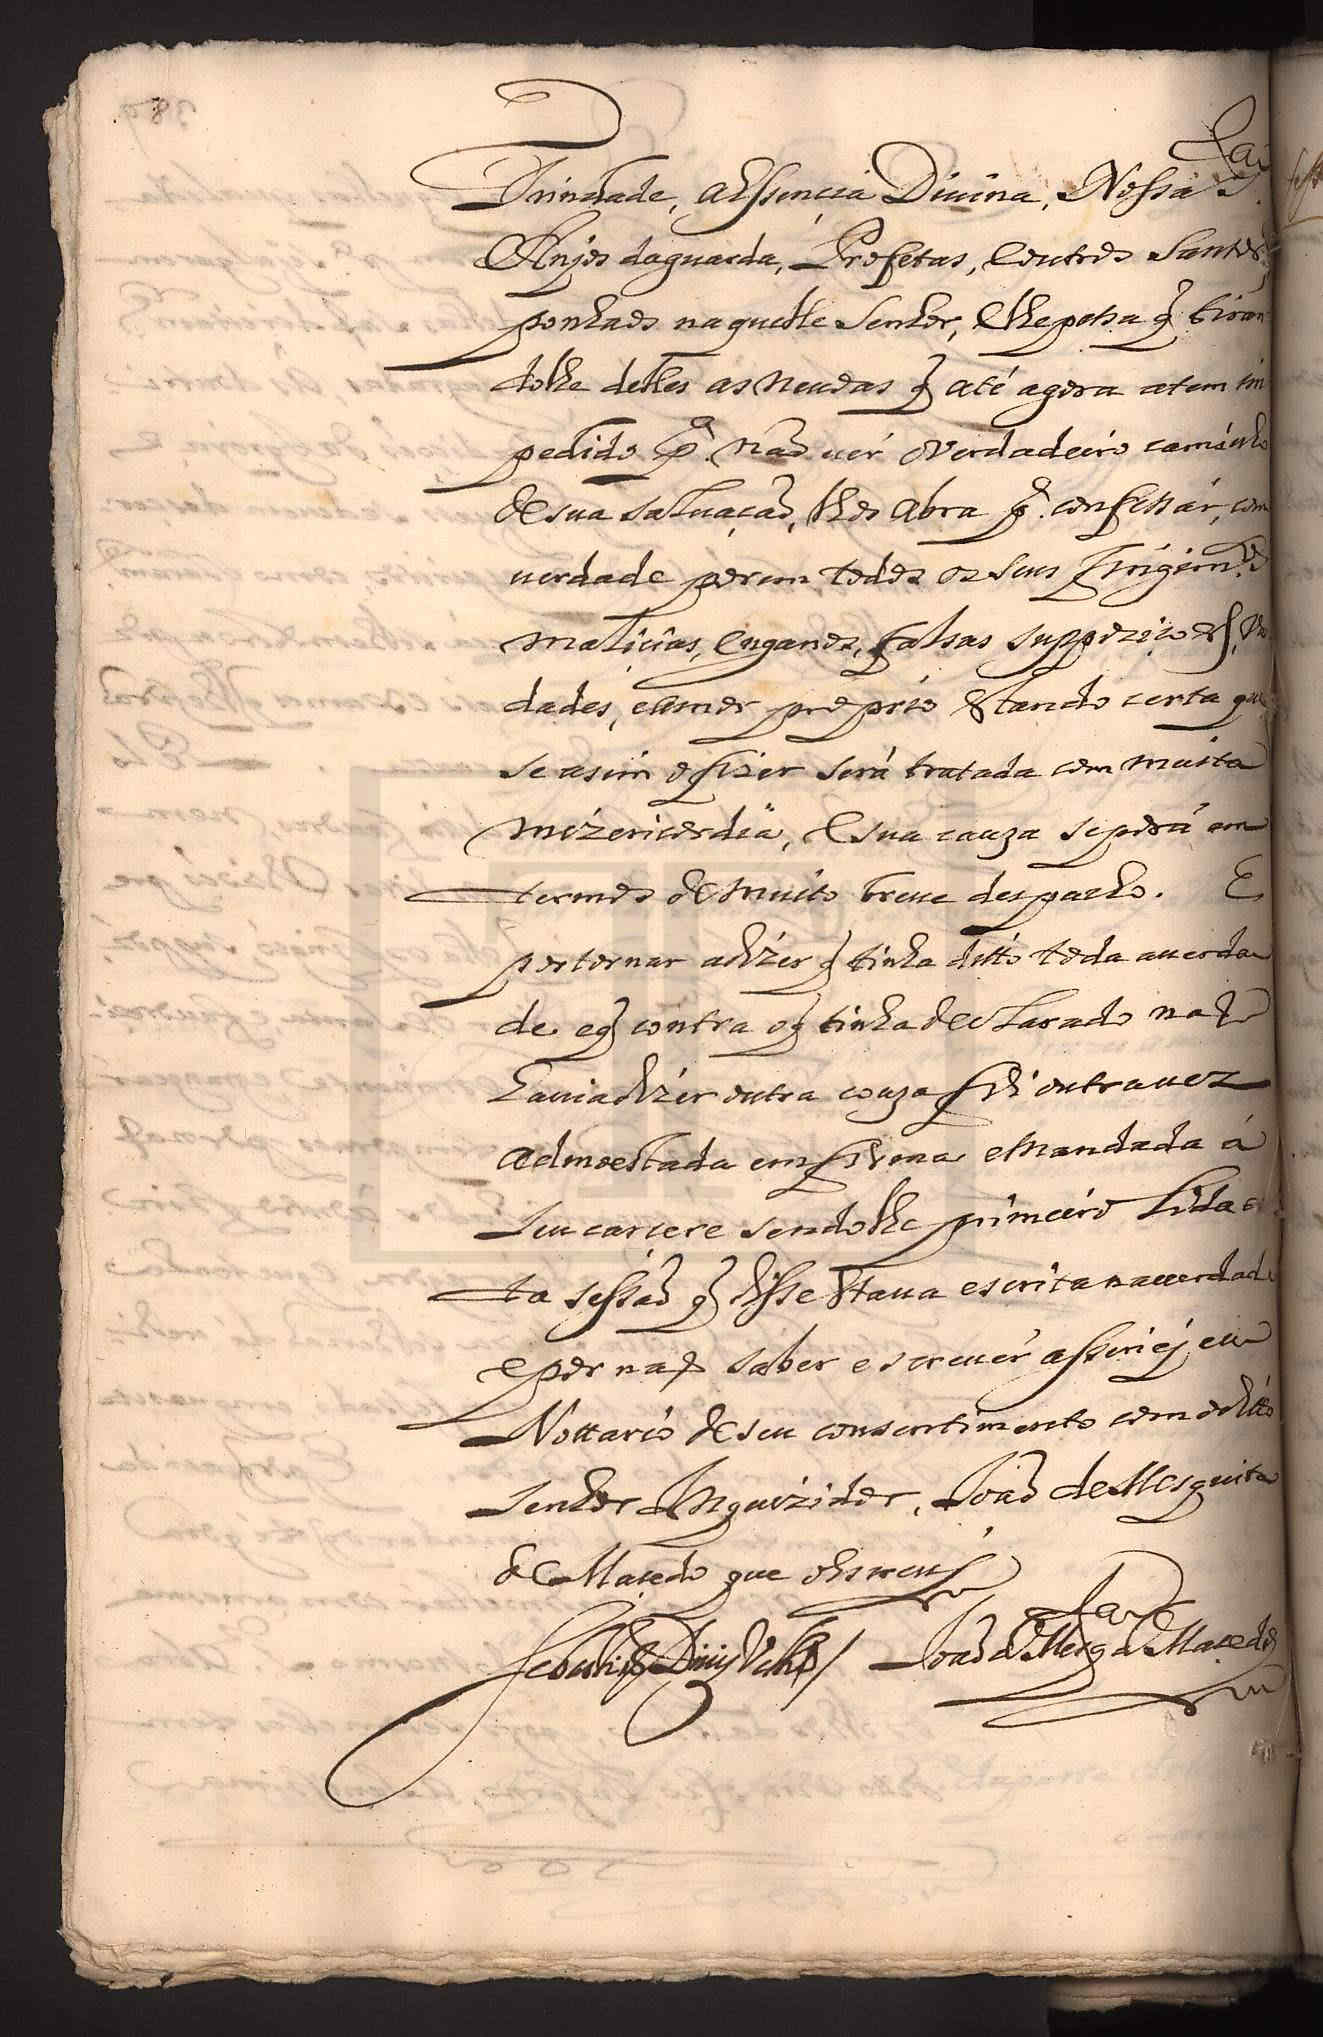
Trindade, a Essencia Diuina, Nossa Sra
Anjos da guarda, Profetas, e outros Santos
ponhaos naquelle Senhor, e lhe pessa q̄ tiran
dolhe delles as neuoas q̄ até agora a tem im
pedido p.a naõ uer o verdadeiro caminho
de sua saluaçaõ, lhos abra p.a confessar, com
uerdade porem todos os seus fingim.tos
malicias, enganos, falsas suppoziçoẽs, v
dades, e amor proprio estando certa que
se asim o fizer será tratada com muita
mizericordia, e sua cauza se porá em
termos de muito breue despacho. E
por tornar a dizer q̄ tinha ditto toda a uerda
de e q̄ contra o q̄ tinha declarado naõ
hauia dizer outra couza foi outra uez
admoestada em forma e mandada a
seu carcere sendolhe primeiro lida e
ta sessaõ q̄ disse estaua escrita na uerdade
e por naõ saber escreuer assinej eu
Nottario de seu consentimento com o ditto
Senhor Inquizidor, Ioão de Mesquita
de Macedo que o Escreuj
Sebastiaõ Diniz Velho
Ioaõ de Mesqta de Macedo
